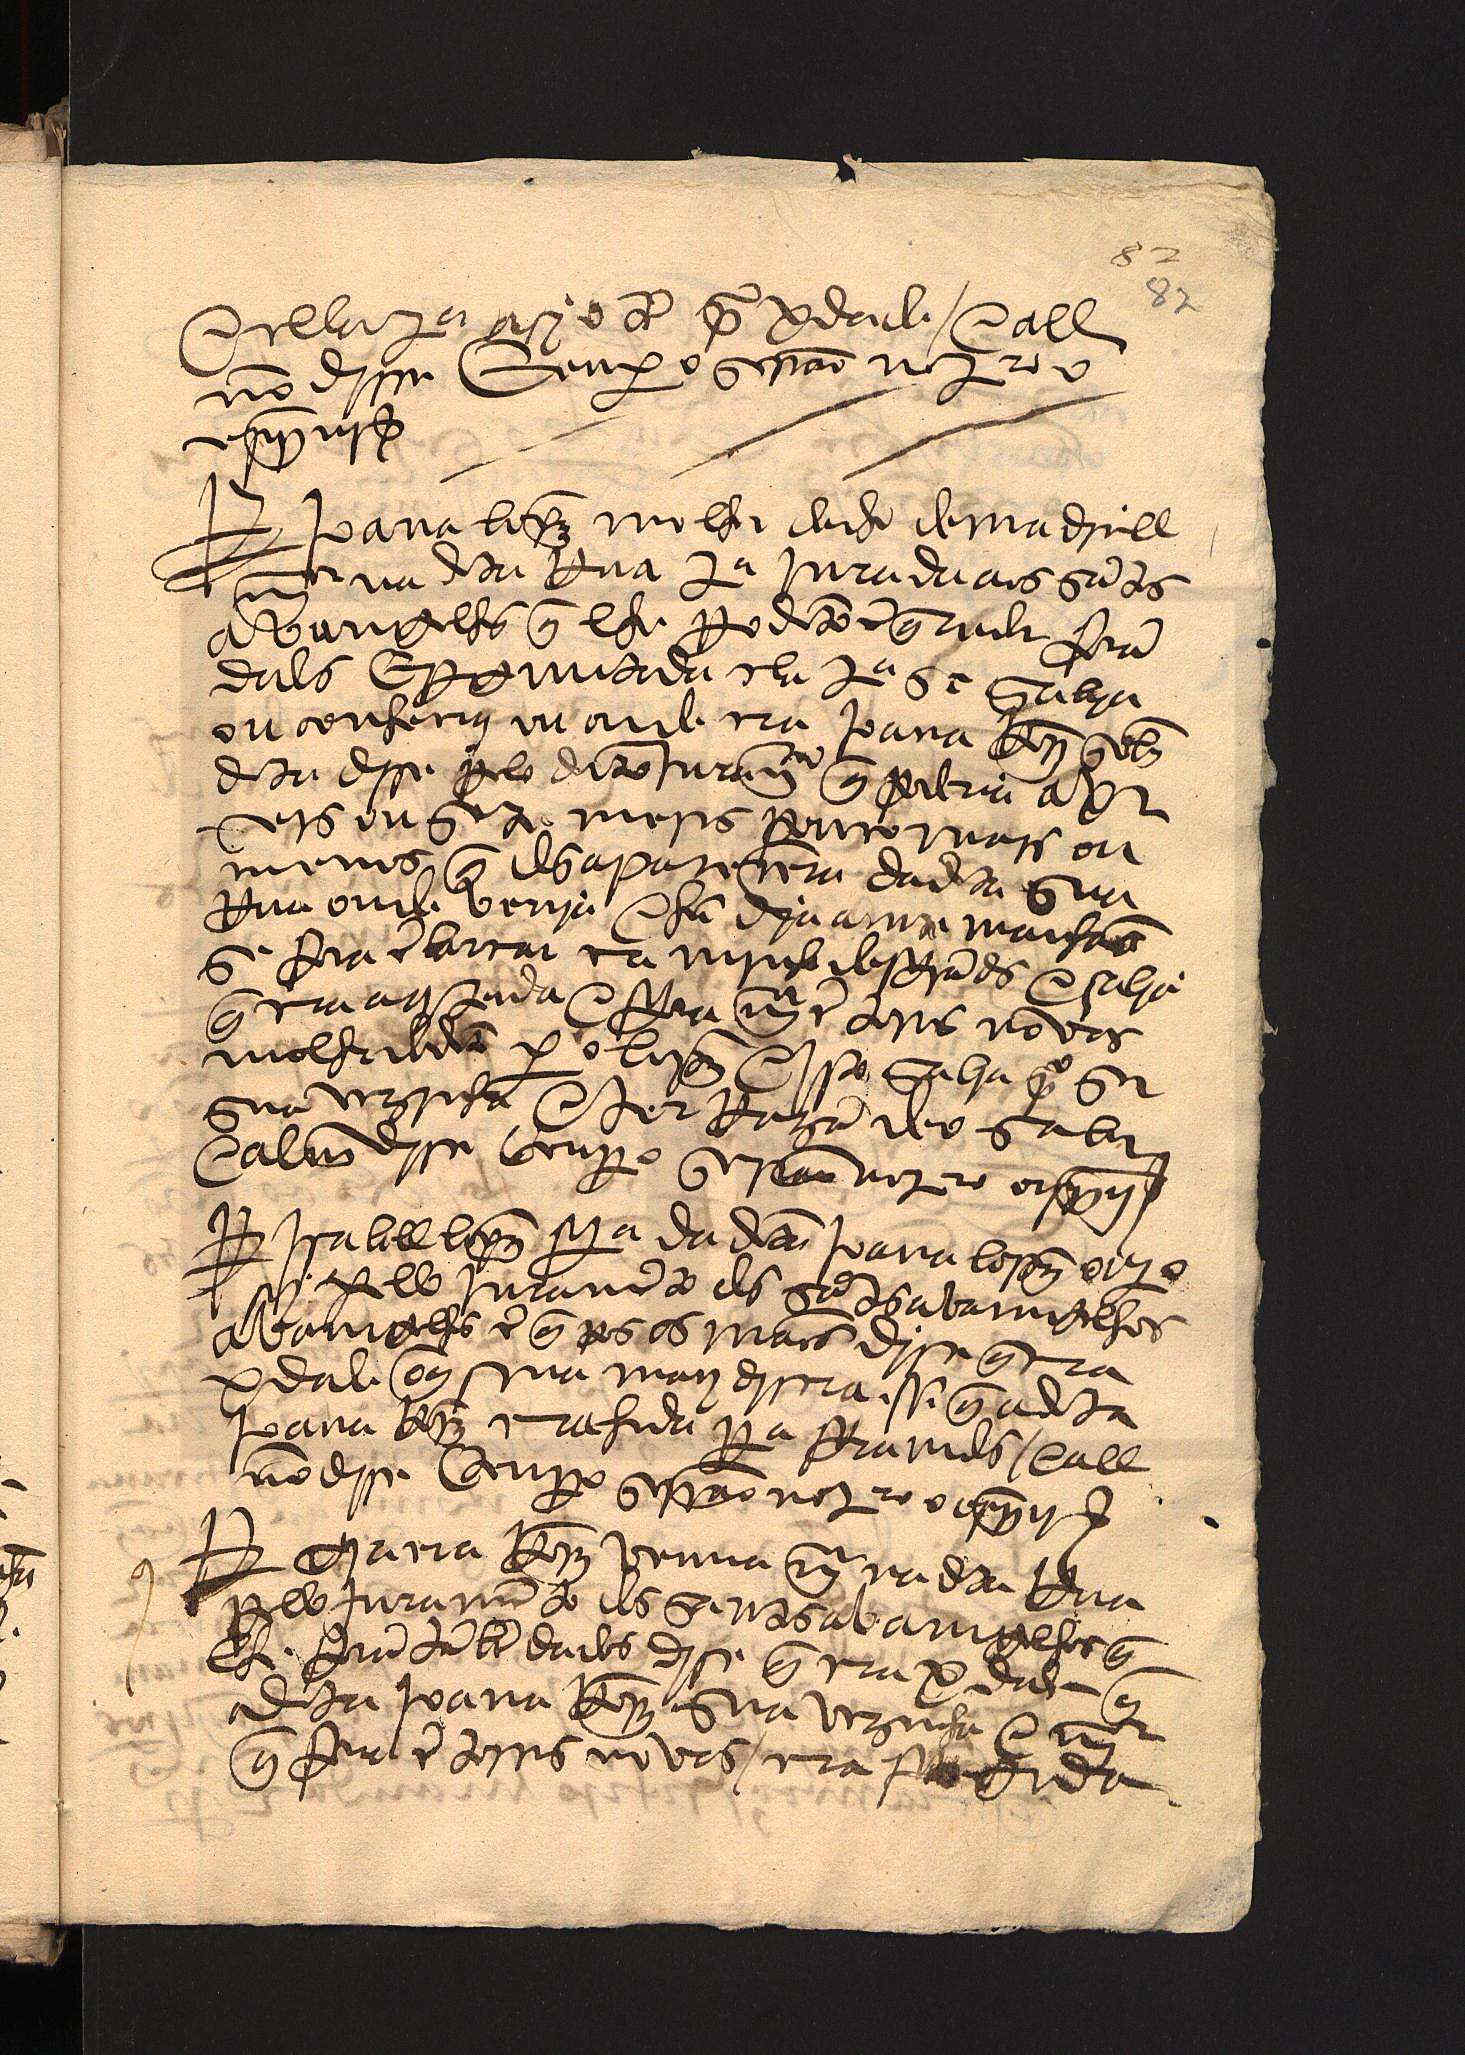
e ella ta asy o tē p̄o ꝟdade / e all
nō djsse E eu ꝑo serrão notro o
esp̄uj
item Joana lop̄z molher de do de madrill
mor na dita Rua ta Jurada aos sātos
avangelhos q̄ lhe ꝑ o dito ēq̄redor forā
dados E ꝑguntada ela ta se sabya
ou conhecia ou onde era Joana Rōiz sobr̄
dita djse pelo dito Juramto q̄ poderia aꝟr
sejs ou sete meses pouco majs ou
menos q̄ desaparecera da dita sua
Rua onde veuja e hū dja amte manhaā
se fora ēbarcar camjnho de frādes e sabja
q̄ era a ꝯteuda e fora mor ē tores novas
molher do dito ꝑo lopz̄ e Jsto sabja p̄o ser
sua vezjnha e ter Razā de o saber
e al nō djse E eu ꝑo serrão notro o esp̄uj
item Jsabell lop̄z fa da dita Joana lopz̄ outo
sj pello Juramēto dos sātos avamgelhos
avamgelhos ē q̄ pos as mãos djse q̄ era
ꝟdade o q̄ sua may djsera .ss. q̄ a dita
Joana Rōjz era hida ꝑa framdes / e all
nō djse E eu ꝑo serrão notro o esp̄uj
item gracia Roj̄z veuua mor na dita Rua
pello Juramēto dos santos avamgelhos q̄
lhe forā tābē dados djse q̄ era ꝟdade q̄
a dita Joana Rōjz sua vezinha e mor
q̄ fora ē torres novas / era fogida
